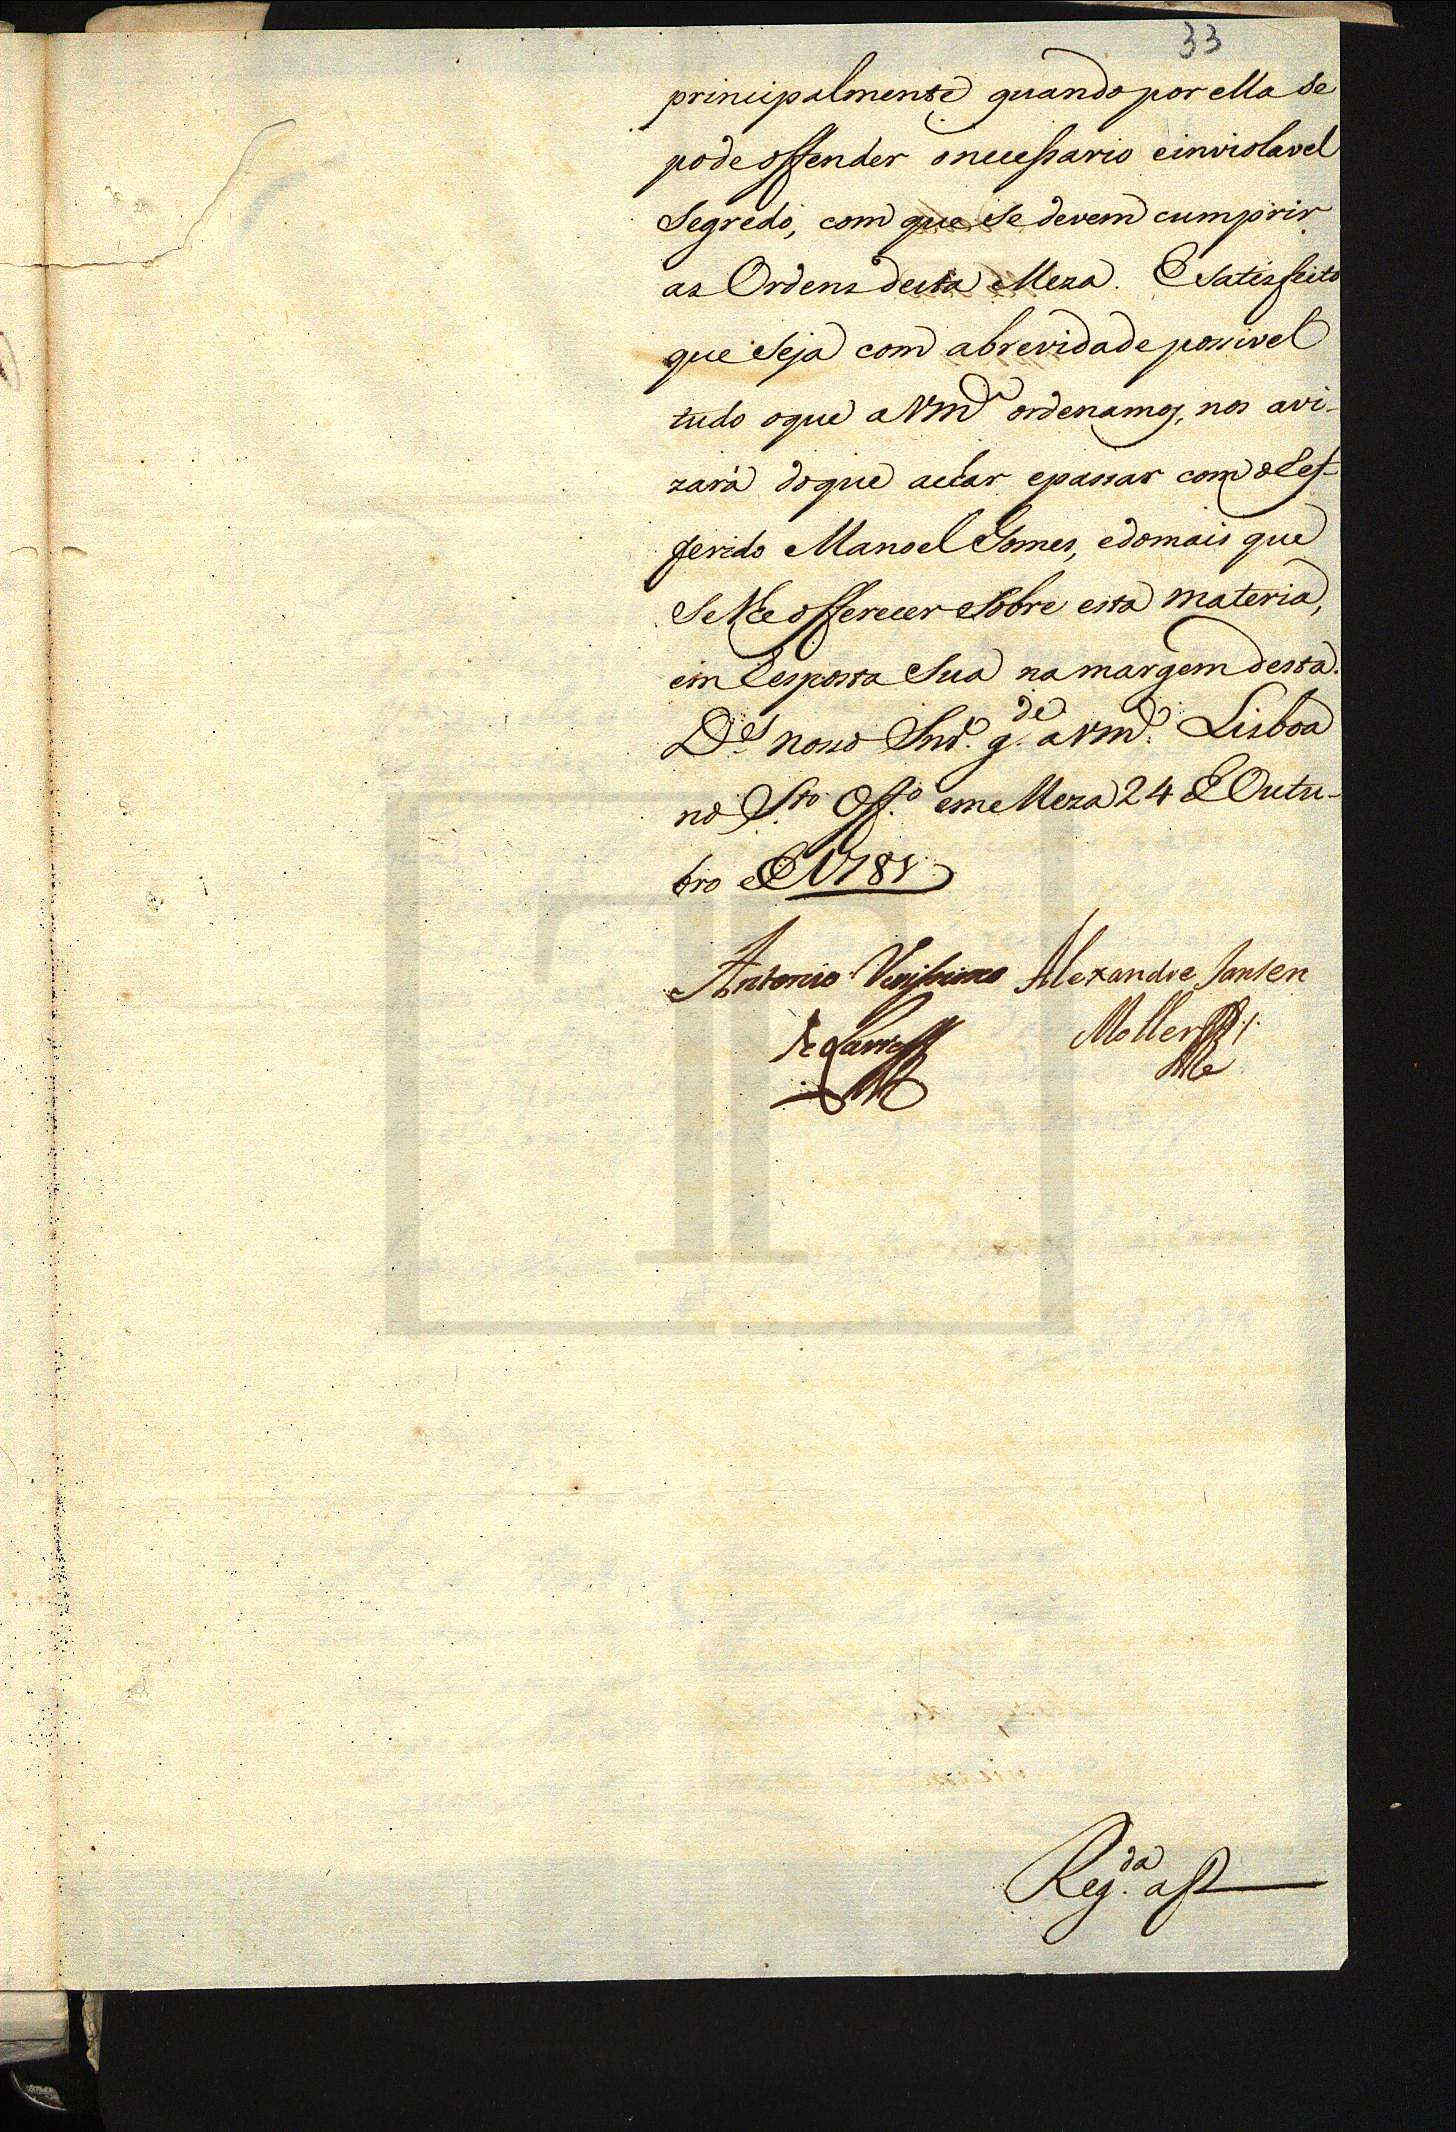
principalmente quando por ella se
pode offender o necessario e inviolavel
Segredo, com que se devem cumprir
a Ordens desta Meza. E satisfeito
que seja com a brevidade possivel
tudo o que a v m.e ordenamos, nos avi
zará do que achar e passar com o Ref
ferido Manoel Gomes, e do mais que
selhe offerecer sobre esta materia,
em Resposta sua na margem desta.
D.es nosso Snr̄. g.de a v m.e Lisboa
no S.to Off.o em Meza 24 d̄ Outu
bro d̄ 1781
Antonio Verissimo
de Larre
Alexandre Iansen
Moller
Reg.da a f
